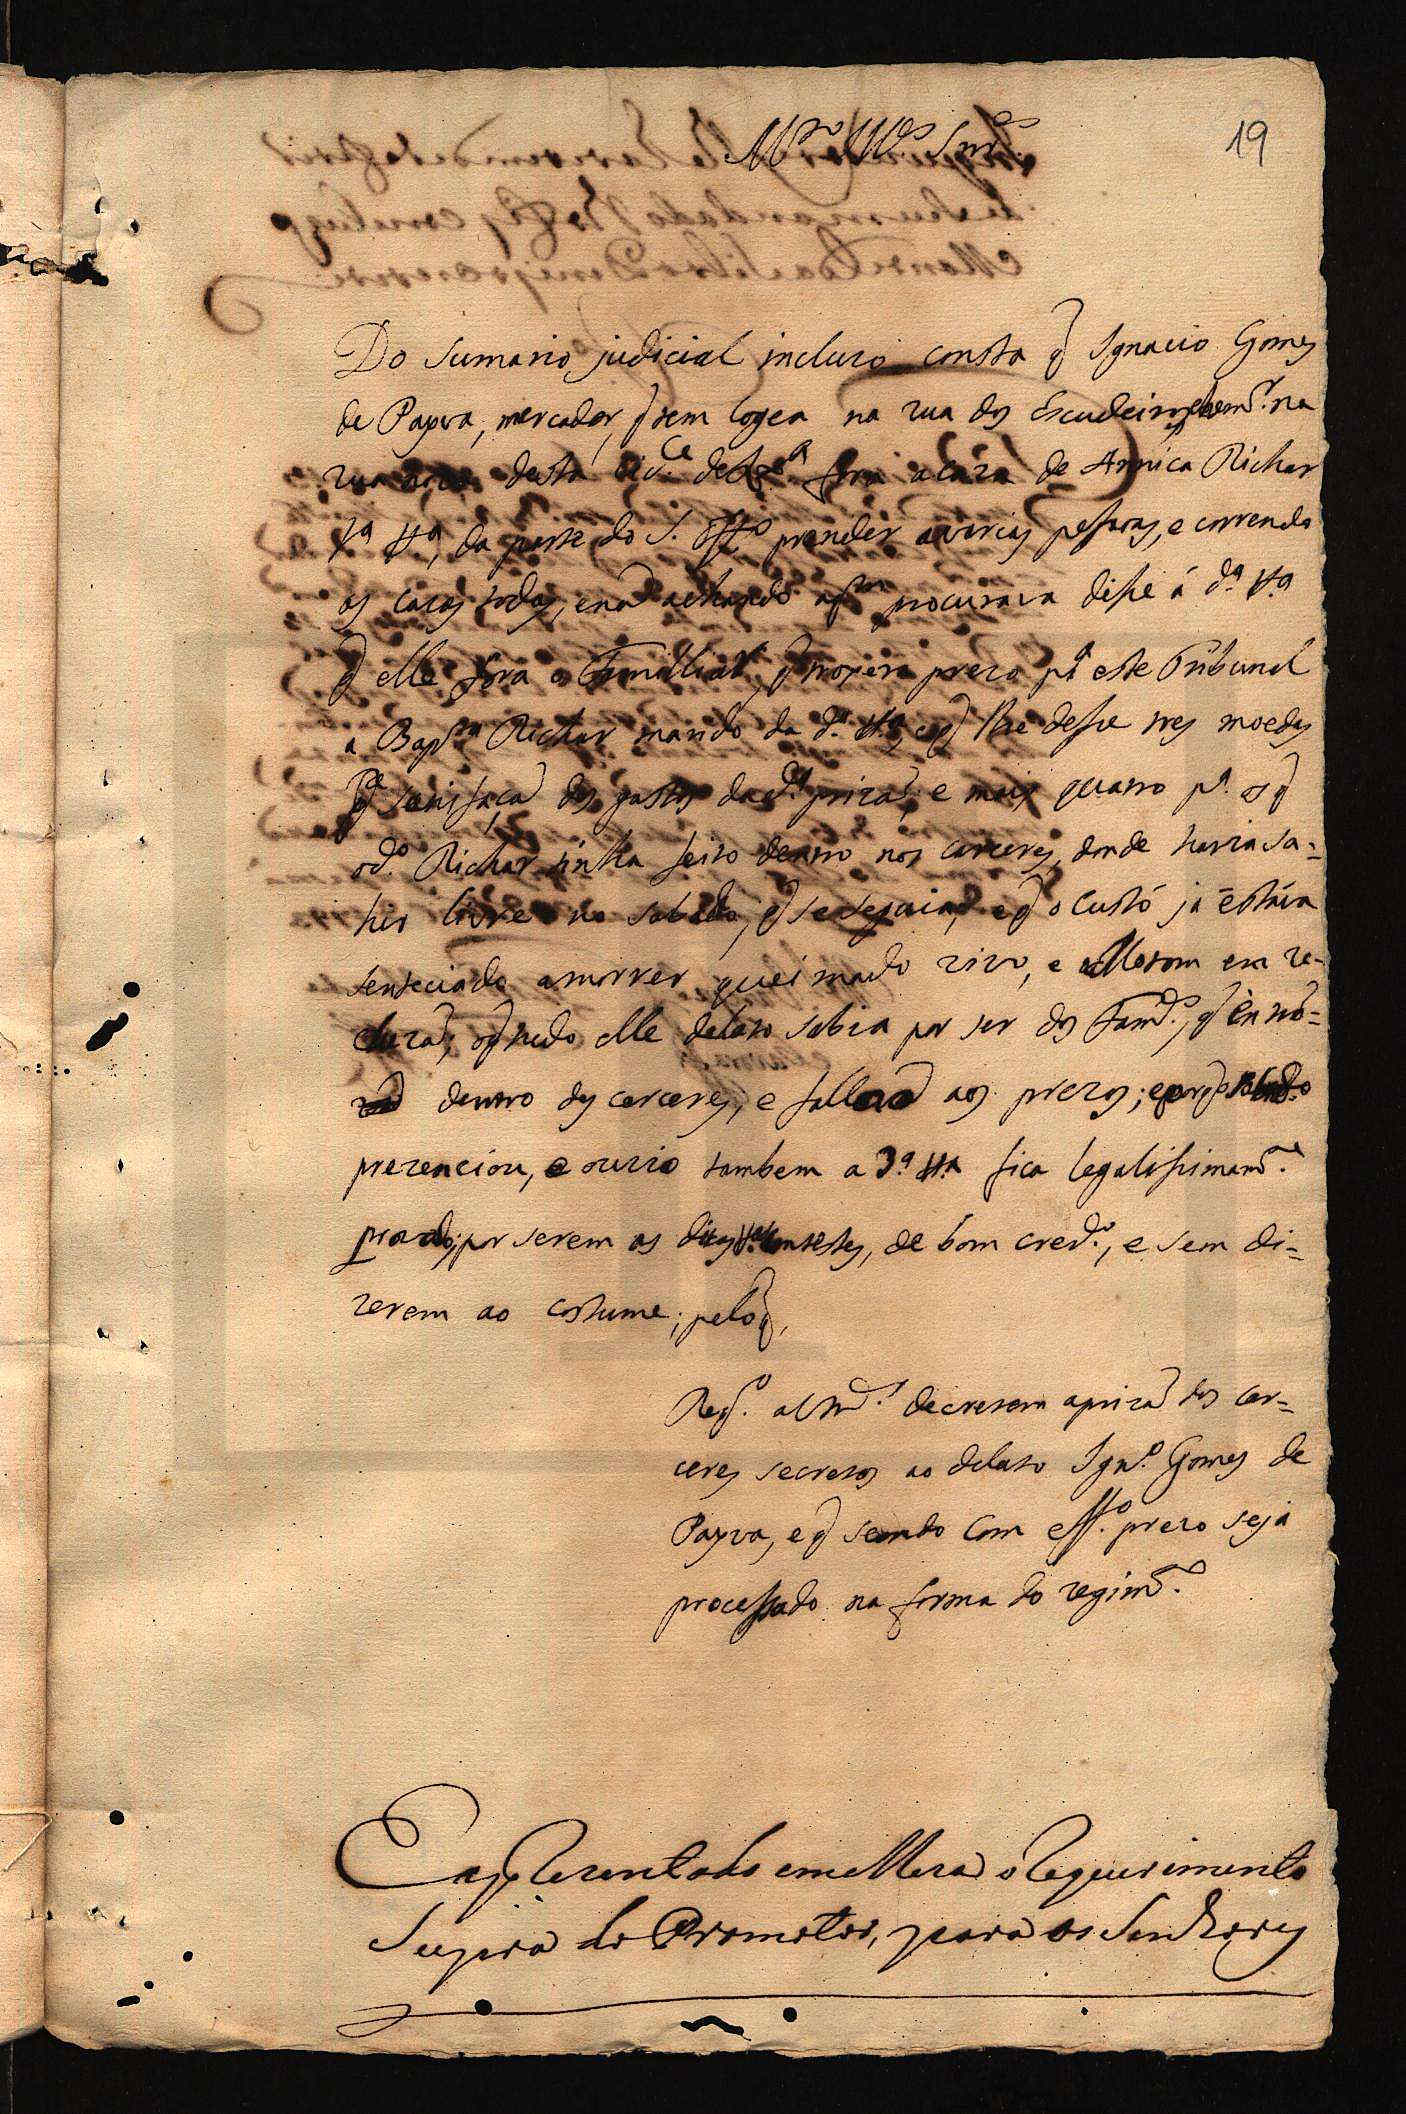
M.to Ill.es Snres.
Do sumario judicial incluzo consta q̄ Ignacio Gomes
de Payva, mercador q̄ tem logea na rua dos Escudeiros e m.r na
rua nov_ desta cid.e de Lx.a fora a caza de Annica Richar
1.a tt.a da parte do S. off.o prender a varias pessoas, e correndo
as cazas todas, e naõ achando a q.m procurava disse á d.a tt.a
q̄ elle fora o Familiar q̄ troxera prezo pa este Tribunal
a Bapta Richar marido da d.a tt.a, e q̄ lhe desse tres moedas
pa satisfaçā dos gastos da d.a prizā, e mais quatro p.a os q̄
o d.o Richar tinha feito dentro nos carceres, donde havia sa
hir livre no sabado, q̄ se seguia e q̄ o custó já estáva
senteciado a morrer queimado vivo, e o Metam em re
cluzaõ, o q̄ tudo elle delato sabia por ser dos Fam.es, q̄ entrā
raõ dentro dos carceres, e fallaā aos prezos; e porq̄ o
prezenciou, e ouvio tambem a 3.a tt.a fica legalissimam.te
provado; por serem as ditas tt.as contestes, de bom cred.o, e sem di
zerem ao costume; pelo q̄,
Req.o a vm.es decretem a prizaõ dos car
ceres secretos ao delato Ign.o Gomes de
Payva, e q̄ semdo Com eff.o prezo seja
processado na forma do regim.to
E apRezentado em Meza o Requerimento
Supra do Promotor, para os Senhores
